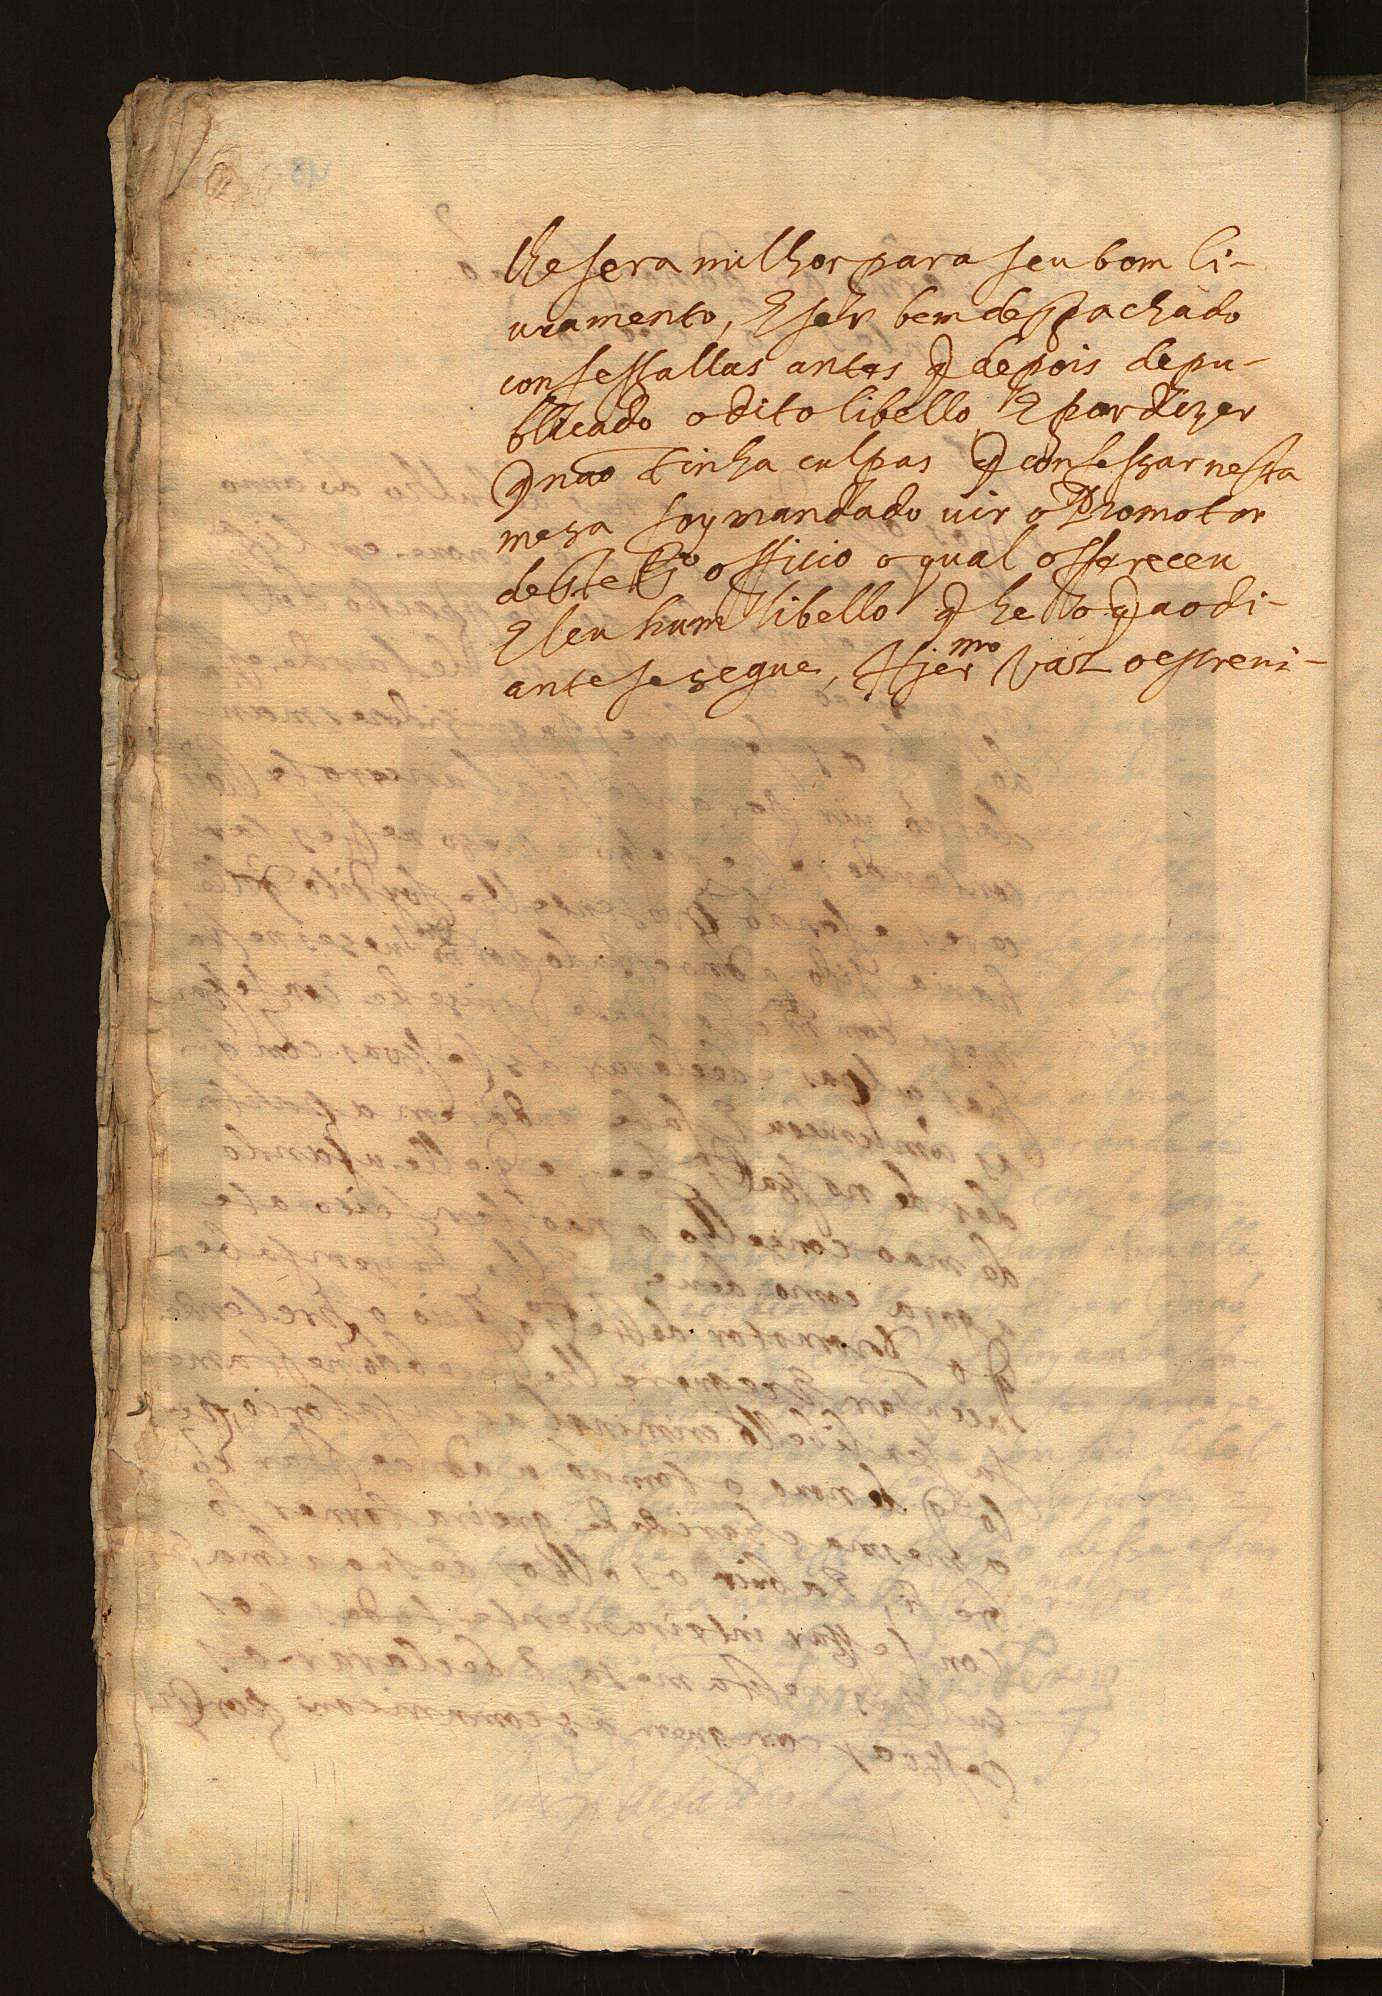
lhe sera milhor para seu bom li
uramento, E ser bem despachado
confessallas antes q̄ depois de pu
blicado o dito libello, E por dizer
q̄ não tinha culpas q̄ confessar nesta
mesa foy mandado uir o Promotor
deste sto officio o qual offereceu
E leu hum libello q̄ he o q̄ ao di
ante se segue, Hjermo Vaz o escreui
